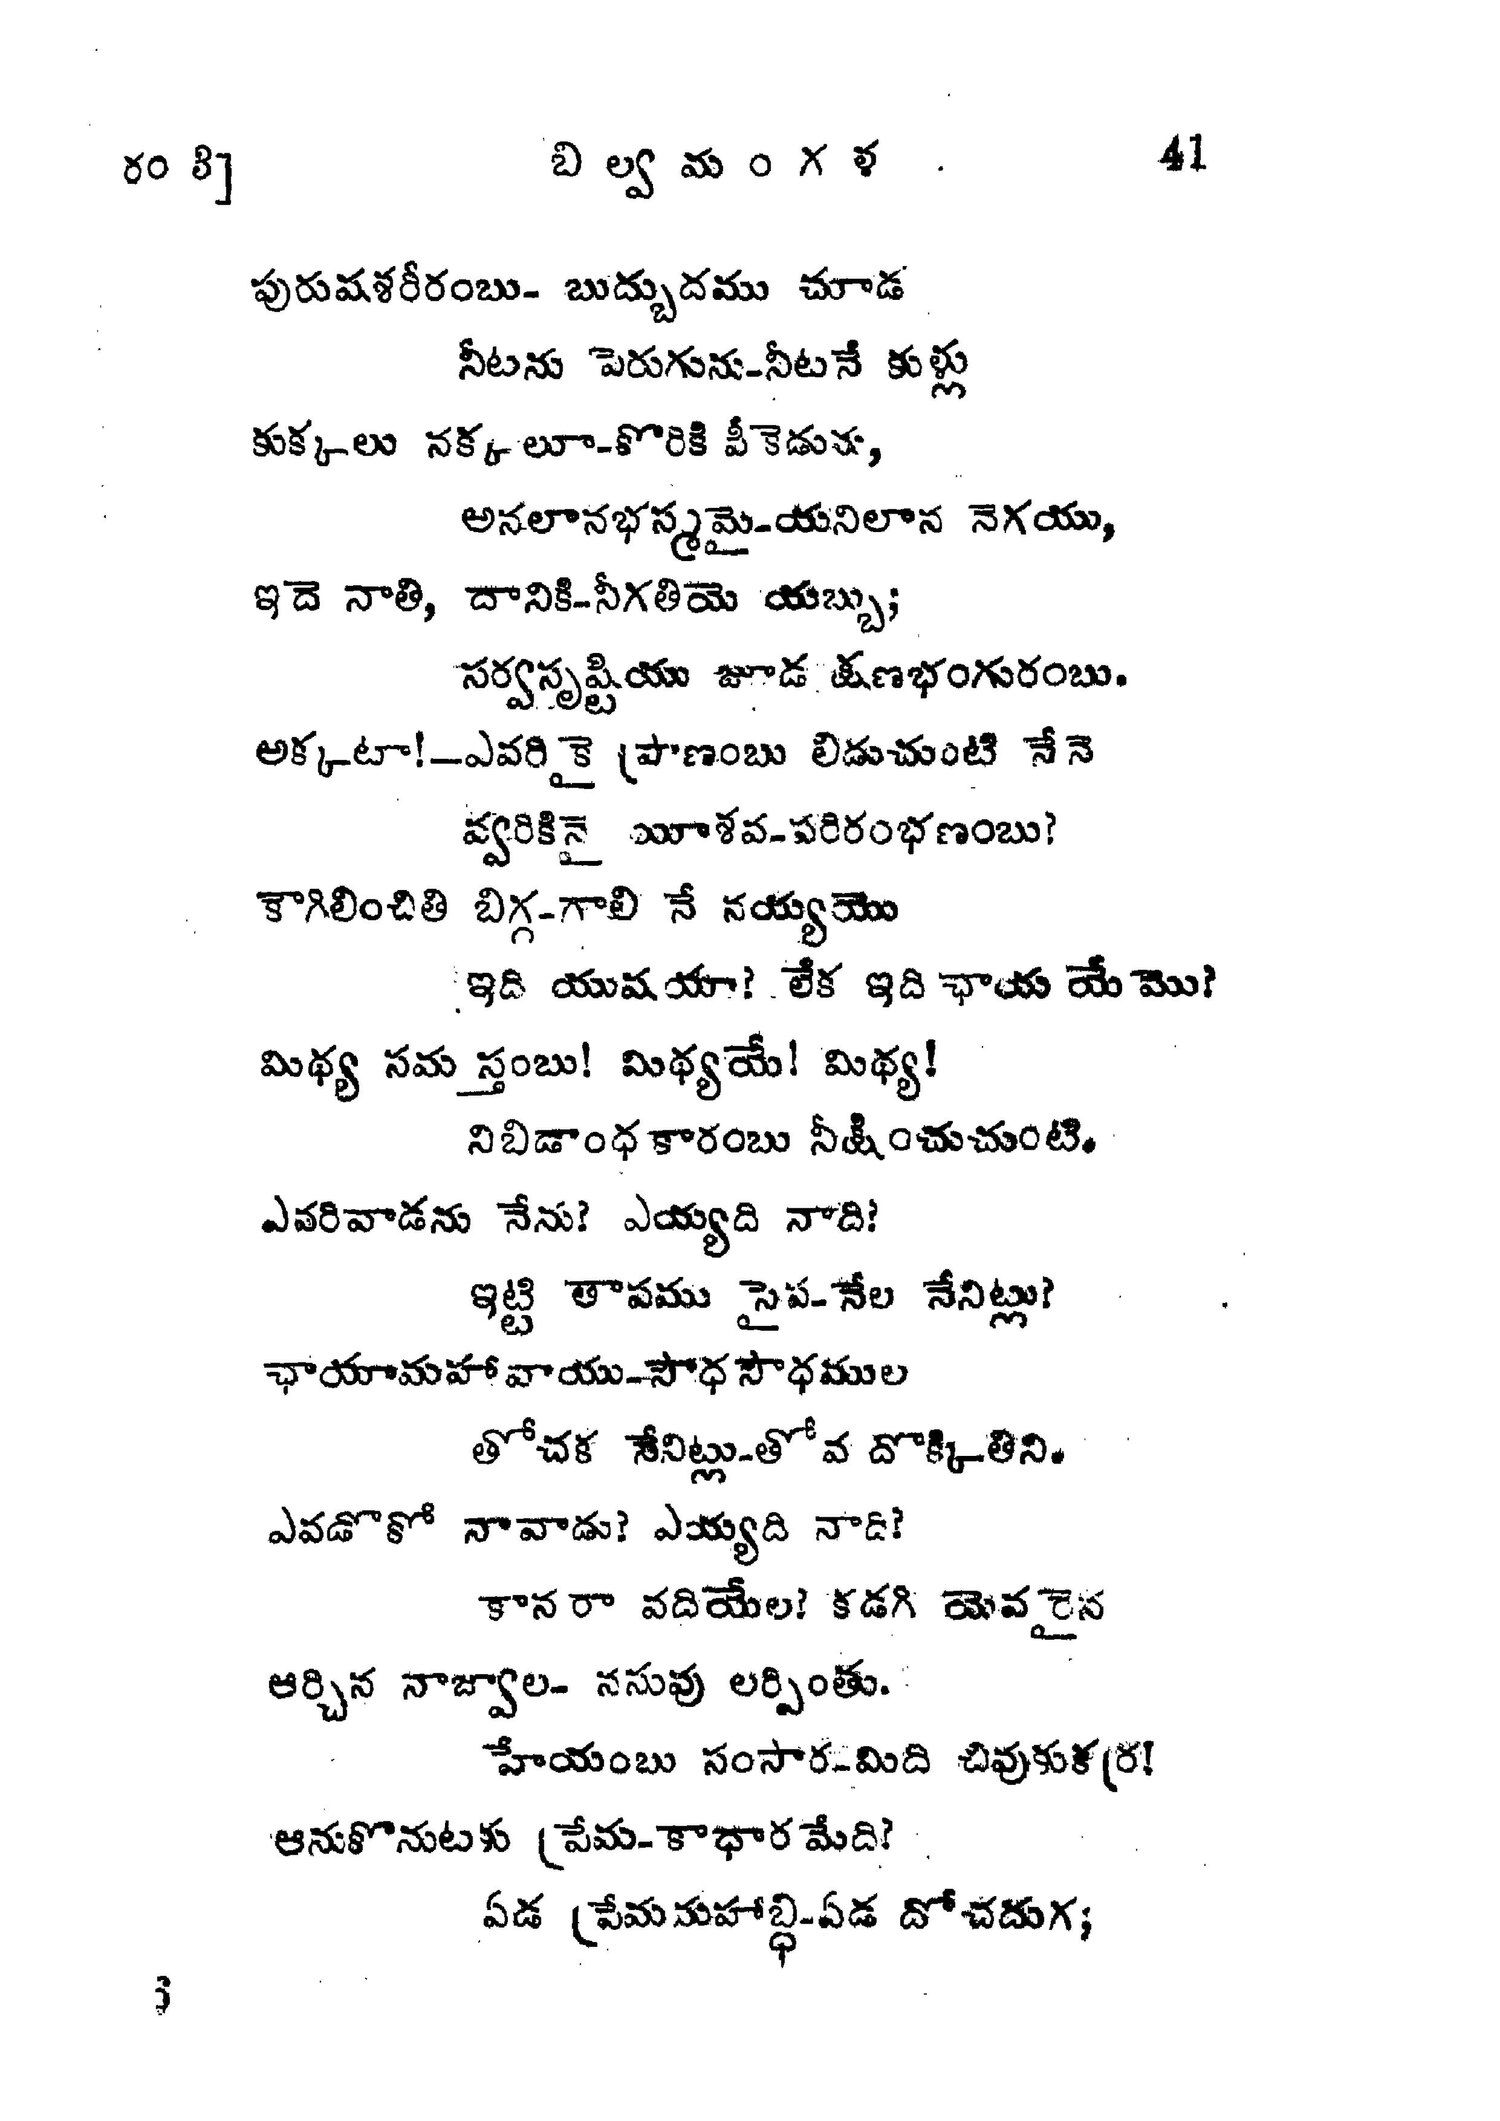పురుషశరీరంబు - బుద్బుదము చూడ
 నీటను పెరుగును-నీటనే కుళ్లు
 కుక్కలు నక్కలూ-కొరికి పీకెడును,
 అనలానభస్మమై-యనిలాన నెగయు,
 ఇదె నాతి, దానికి-నీగతియె యబ్బు;
 సర్వసృష్టియు జూడ క్షణభంగురంబు.
 అక్కటా! ఎవరికై ప్రాణంబు లిడుచుంటి నేనె
 వ్వరికినై యీశవ-పరిరంభణంబు?
 కౌగిలించితి బిగ్గ-గాలి నే నయ్యయొ
 ఇది యుషయా? లేక ఇది ఛాయయేమొ?
 మిథ్య సమస్తంబు! మిథ్యయే! మిథ్య!
 నిబిడాంధకారంబు నీక్షించుచుంటి.
 ఎవరివాడను నేను? ఎయ్యది నాది?
 ఇట్టి తాపము సైప-నేల నేనిట్లు?
 ఛాయామహావాయు-సౌధ సౌధముల
 తోచక నేనిట్లు-తోవ దొక్కితిని.
 ఎవడొకో నావాడు? ఎయ్యది నాది?
 కానరా వదియేల? కడగి యెవరైన
 ఆర్చిన నాజ్వాల-నసువు లర్పింతు.
 హేయంబు సంసార-మిది చివుకుకర్ర!
 అనుకొనుటకు ప్రేమ-కాధారమేది?
 ఏడ ప్రేమమహాబ్ధి-ఏడ దోచదుగ;